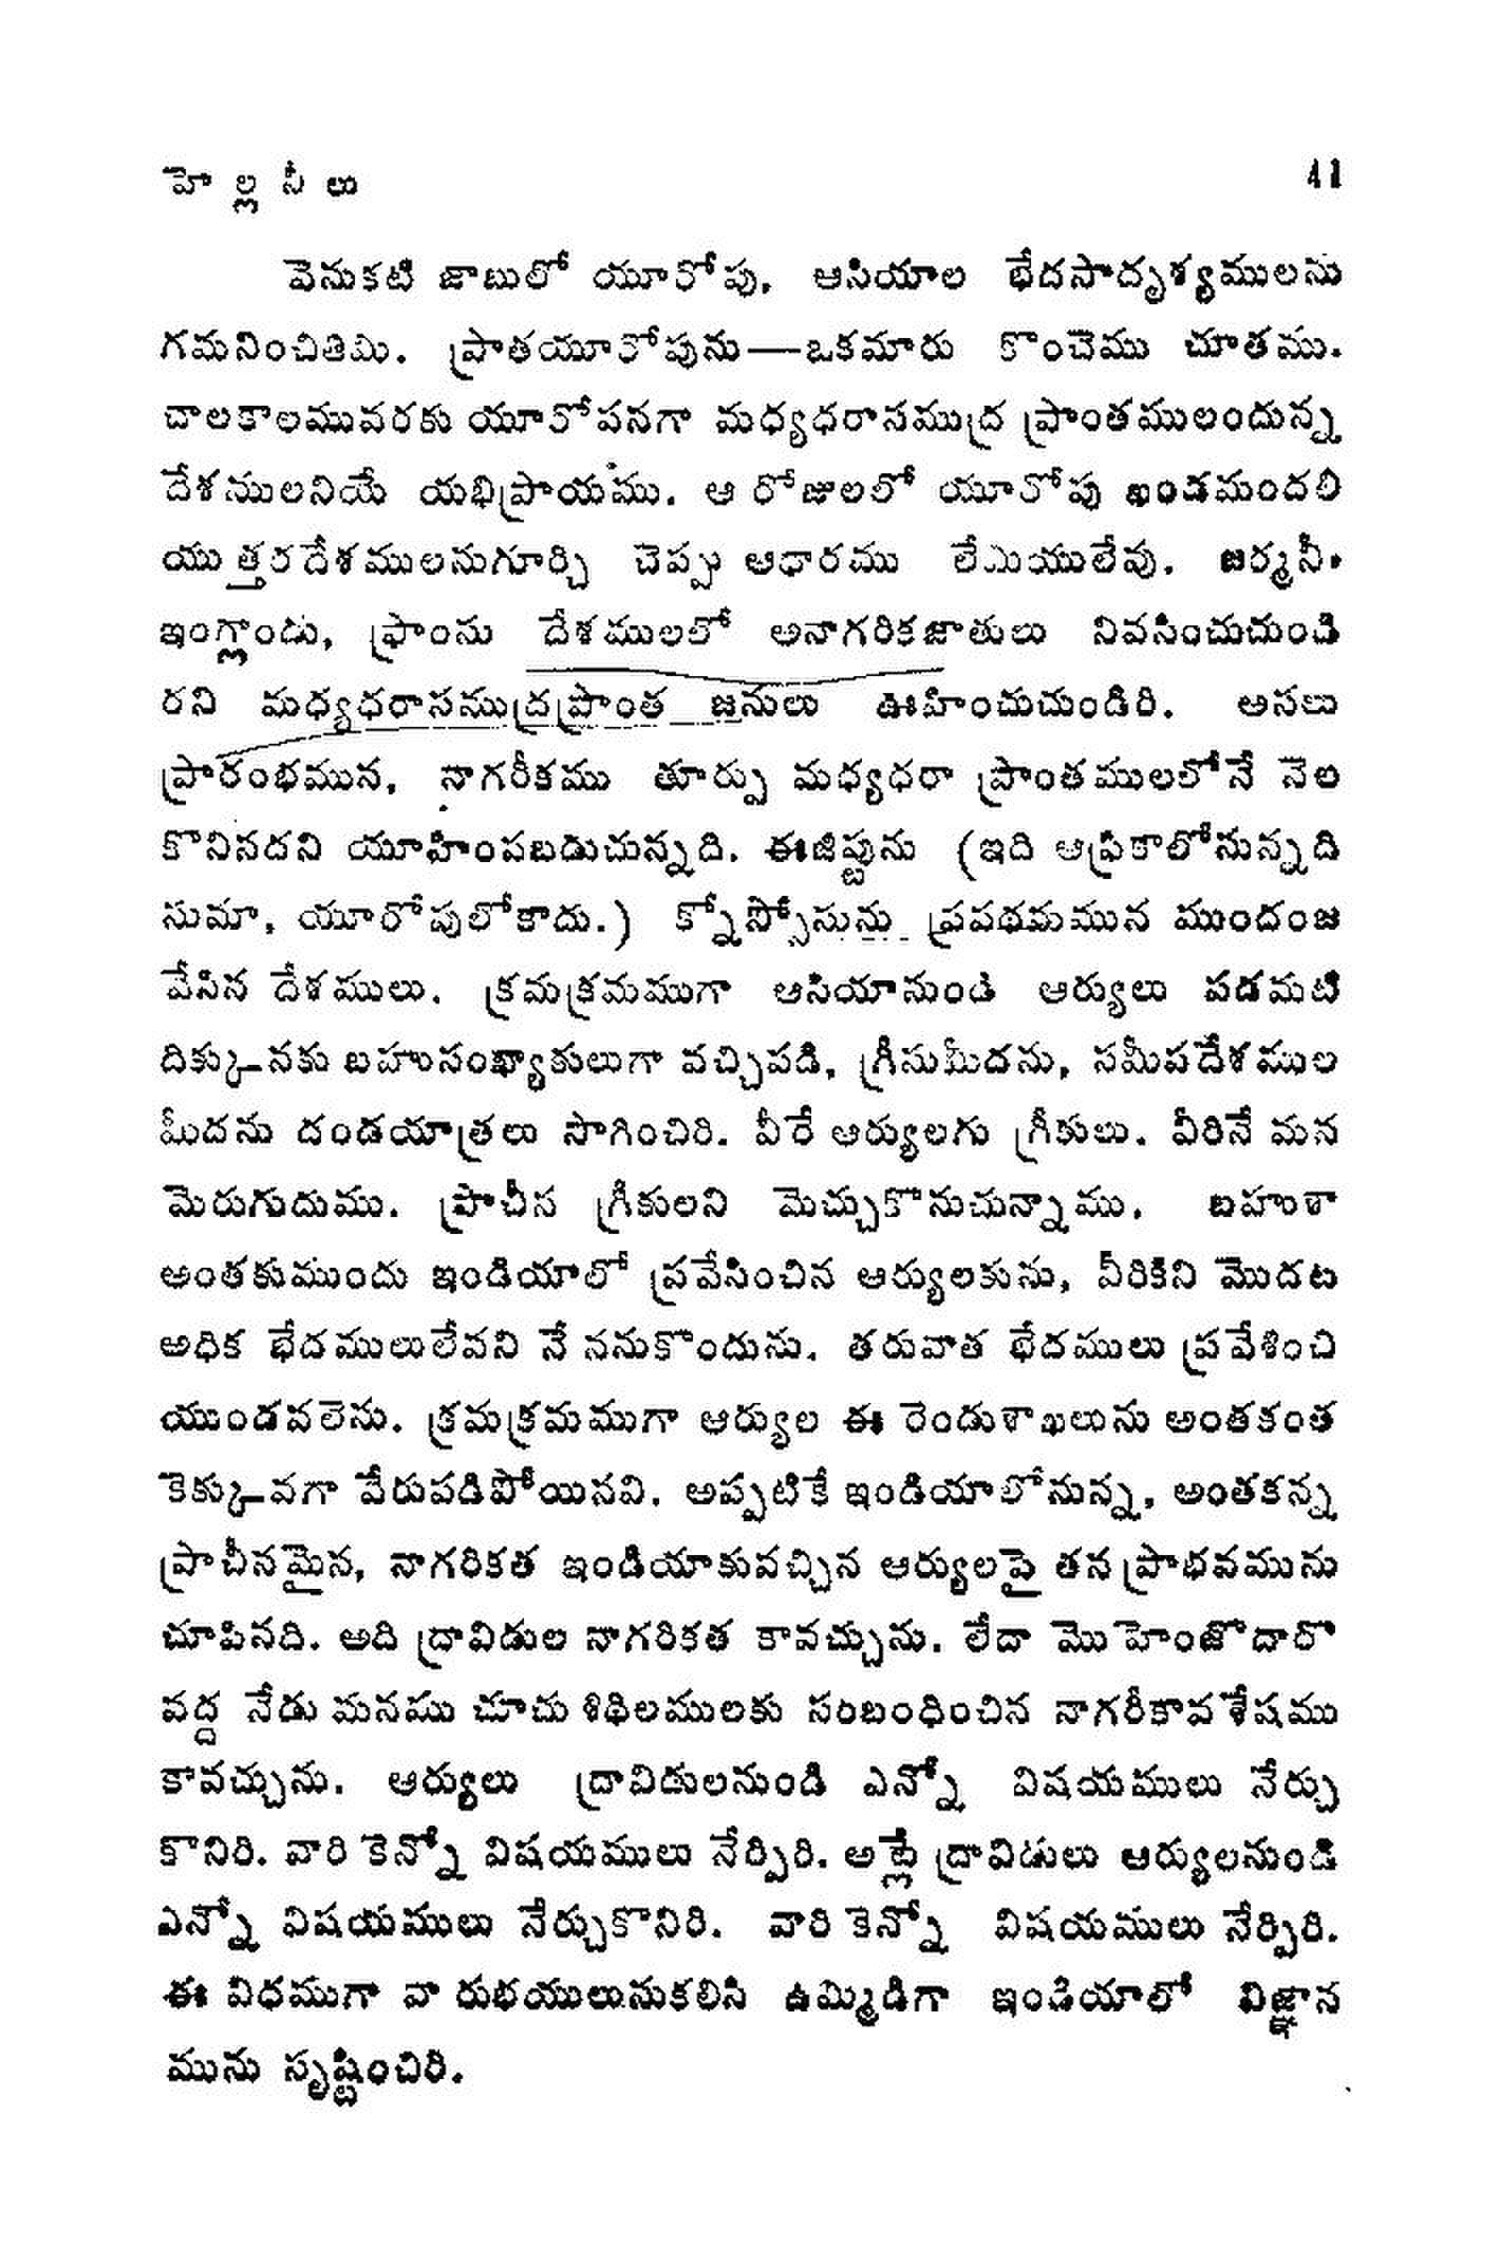వెనుకటి జాబులో యూరోపు, ఆసియాల భేదసాదృశ్యములను గమనించితిమి. ప్రాతయూరోపును – ఒకమారు కొంచెము చూతము. చాలకాలమువరకు యూరోపనగా మధ్యధరాసముద్ర ప్రాంతములందున్న దేశములనియే యభిప్రాయము. ఆ రోజులలో యూరోపు ఖండమందలి యుత్తరదేశములనుగూర్చి చెప్పు ఆధారము లేమియులేవు. జర్మనీ, ఇంగ్లాండు, ఫ్రాంసు దేశములలో అనాగరికజాతులు నివసించుచుండిరని మధ్యధరాసముద్రప్రాంత జనులు ఊహించుచుండిరి. అసలు
ప్రారంభమున, నాగరీకము తూర్పు మధ్యధరా ప్రాంతములలోనే నెల కొనినదని యూహింపబడుచున్నది. ఈజిప్టును (ఇది ఆఫ్రికాలోనున్నది సుమా, యూరోపులో కాదు.) క్నోస్సోసును ప్రపథమమున ముందంజ వేసిన దేశములు. క్రమక్రమముగా ఆసియా నుండి ఆర్యులు పడమటి దిక్కునకు బహుసంఖ్యాకులుగా వచ్చిపడి, గ్రీసుమీదను, సమీపదేశముల మీదను దండయాత్రలు సాగించిరి. వీరే ఆర్యులగు గ్రీకులు. వీరినే మన మెరుగుదుము. ప్రాచీన గ్రీకులని మెచ్చుకొనుచున్నాము, బహుళా అంతకుముందు ఇండియాలో ప్రవేసించిన ఆర్యులకును, వీరికిని మొదట అధిక భేదములు లేవని నే ననుకొందును. తరువాత భేదములు ప్రవేశించి యుండవలెను. క్రమక్రమముగా ఆర్యుల ఈ రెండు శాఖలును అంతకంత కెక్కువగా వేరుపడిపోయినవి. అప్పటికే ఇండియాలోనున్న, అంతకన్న ప్రాచీనమైన, నాగరికత ఇండియాకువచ్చిన ఆర్యులపై తన ప్రాభవమును చూపినది. అది ద్రావిడుల నాగరికత కావచ్చును. లేదా మొహెంజోదారో వద్ద నేడు మనము చూచు శిథిలములకు సంబంధించిన నాగరీకావశేషము కావచ్చును. ఆర్యులు ద్రావిడులనుండి ఎన్నో విషయములు నేర్చు కొనిరి. వారి కెన్నో విషయములు నేర్పిరి. అట్లే ద్రావిడులు ఆర్యులనుండి ఎన్నో విషయములు నేర్చుకొనిరి. వారి కెన్నో విషయములు నేర్పిరి. ఈ విధముగా వా రుభయులునుకలిసి ఉమ్మడిగా ఇండియాలో విజ్ఞానమును సృష్టించిరి.